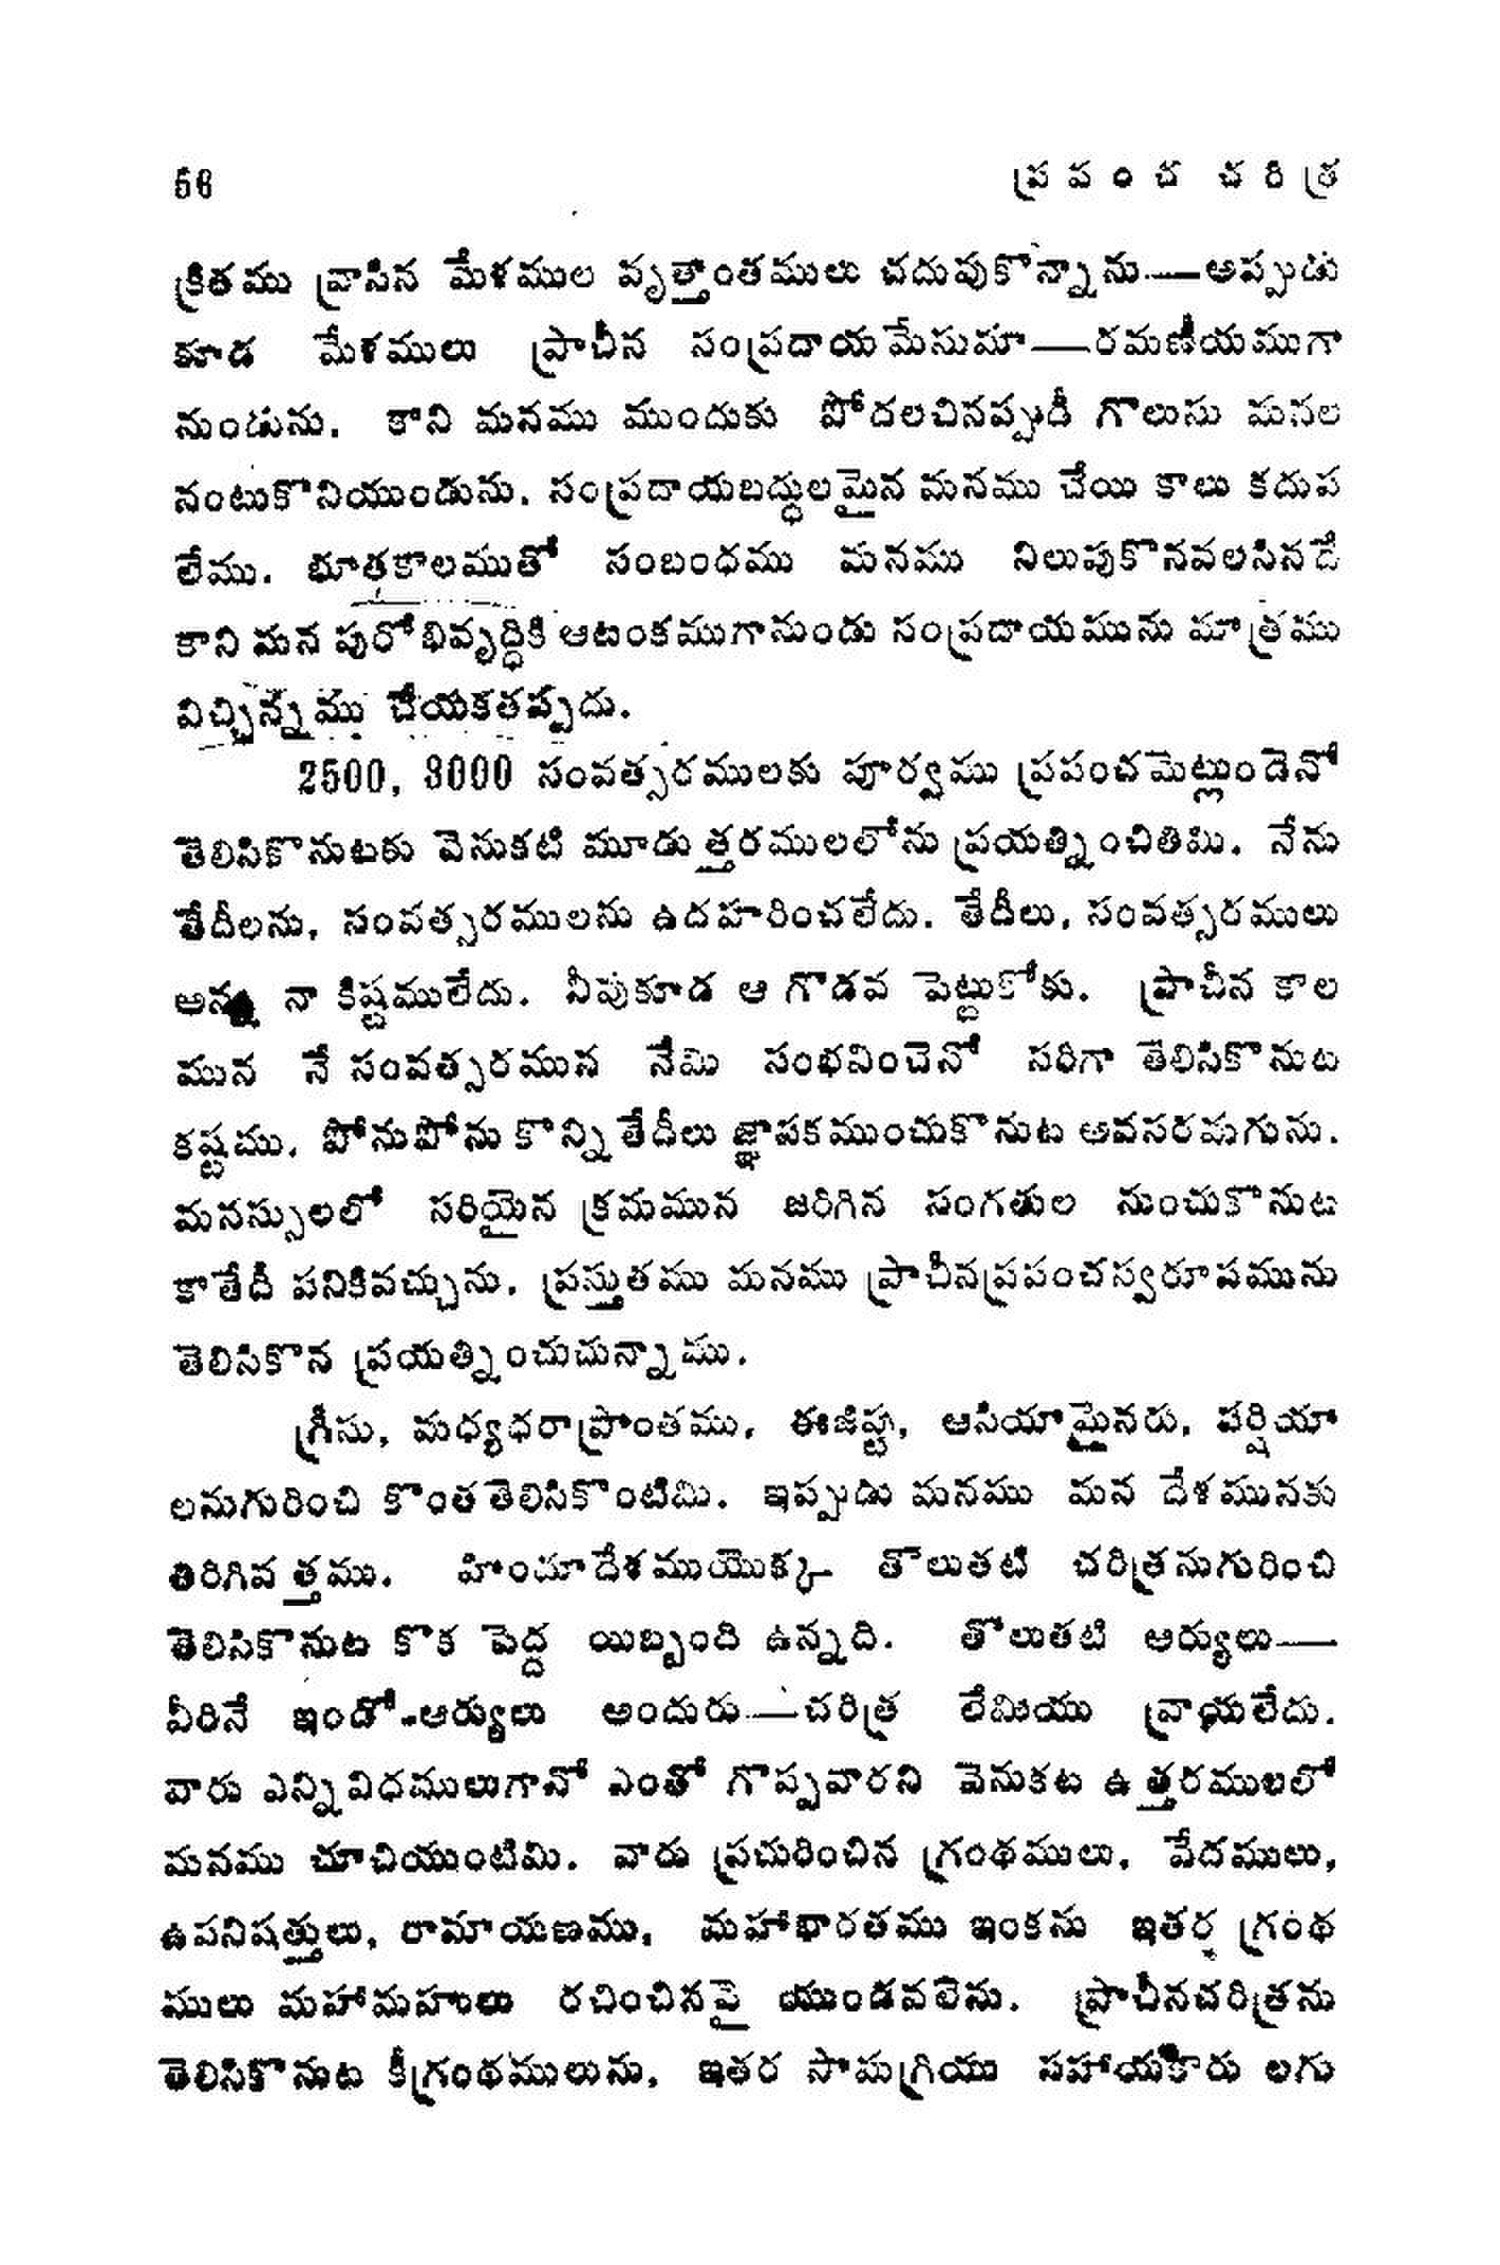క్రితము వ్రాసిన మేళముల వృత్తాంతములు చదువుకొన్నాను... అప్పుడు కూడ మేళములు ప్రాచీన సంప్రదాయమేసుమా - రమణీయముగా నుండును. కాని మనము ముందుకు పోదలచినప్పుడీ గొలుసు మనల నంటుకొనియుండును. సంప్రదాయబద్ధులమైన మనము చేయి కాలు కదుప లేము. భూతకాలముతో సంబంధము మనము నిలుపుకొనవలసినదే కాని మన పురోభివృద్ధికి ఆటంకముగానుండు సంప్రదాయమును మాత్రము విచ్చిన్నము చేయకతప్పదు.

2500, 3000 సంవత్సరములకు పూర్వము ప్రపంచమెట్లుండెనో తెలిసికొనుటకు వెనుకటి మూడుత్తరములలోను ప్రయత్నించితిమి. నేను తేదీలను, సంవత్సరములను ఉదహరించలేదు. తేదీలు, సంవత్సరములు అన్న నా కిష్టములేదు. నీవుకూడ ఆ గొడవ పెట్టుకోకు. ప్రాచీన కాలమున నే సంవత్సరమున నేమి సంభవించెనో సరిగా తెలిసికొనుట కష్టము, పోనుపోను కొన్ని తేదీలు జ్ఞాపకముంచుకొనుట అవసరమగును. మనస్సులలో సరియైన క్రమమున జరిగిన సంగతుల నుంచుకొనుట కాతేదీ పనికివచ్చును. ప్రస్తుతము మనము ప్రాచీన ప్రపంచస్వరూపమును తెలిసికొన ప్రయత్నించుచున్నాము.

గ్రీసు, మధ్యధరాప్రాంతము, ఈజిప్టు, ఆసియామైనరు, పర్షియా లనుగురించి కొంత తెలిసికొంటిమి. ఇప్పుడు మనము మన దేశమునకు తిరిగివత్తము. హిందూదేశముయొక్క తోలుతటి చరిత్రను గురించి తెలిసికొనుట కొక పెద్ద యిబ్బంది ఉన్నది. తొలుతటి ఆర్యులు - వీరినే ఇండో-ఆర్యులు అందురు. - చరిత్ర లేమియు వ్రాయలేదు. వారు ఎన్నివిధములుగానో ఎంతో గొప్పవారని వెనుకట ఉత్తరములలో మనము చూచియుంటిమి. వారు ప్రచురించిన గ్రంథములు, వేదములు, ఉపనిషత్తులు, రామాయణము, మహాభారతము ఇంకను ఇతర గ్రంథములు మహామహులు రచించినవై యుండవలెను. ప్రాచీనచరిత్రను తెలిసికొనుట గ్రంథములును, ఇతర సామగ్రియు సహాయకారు లగు